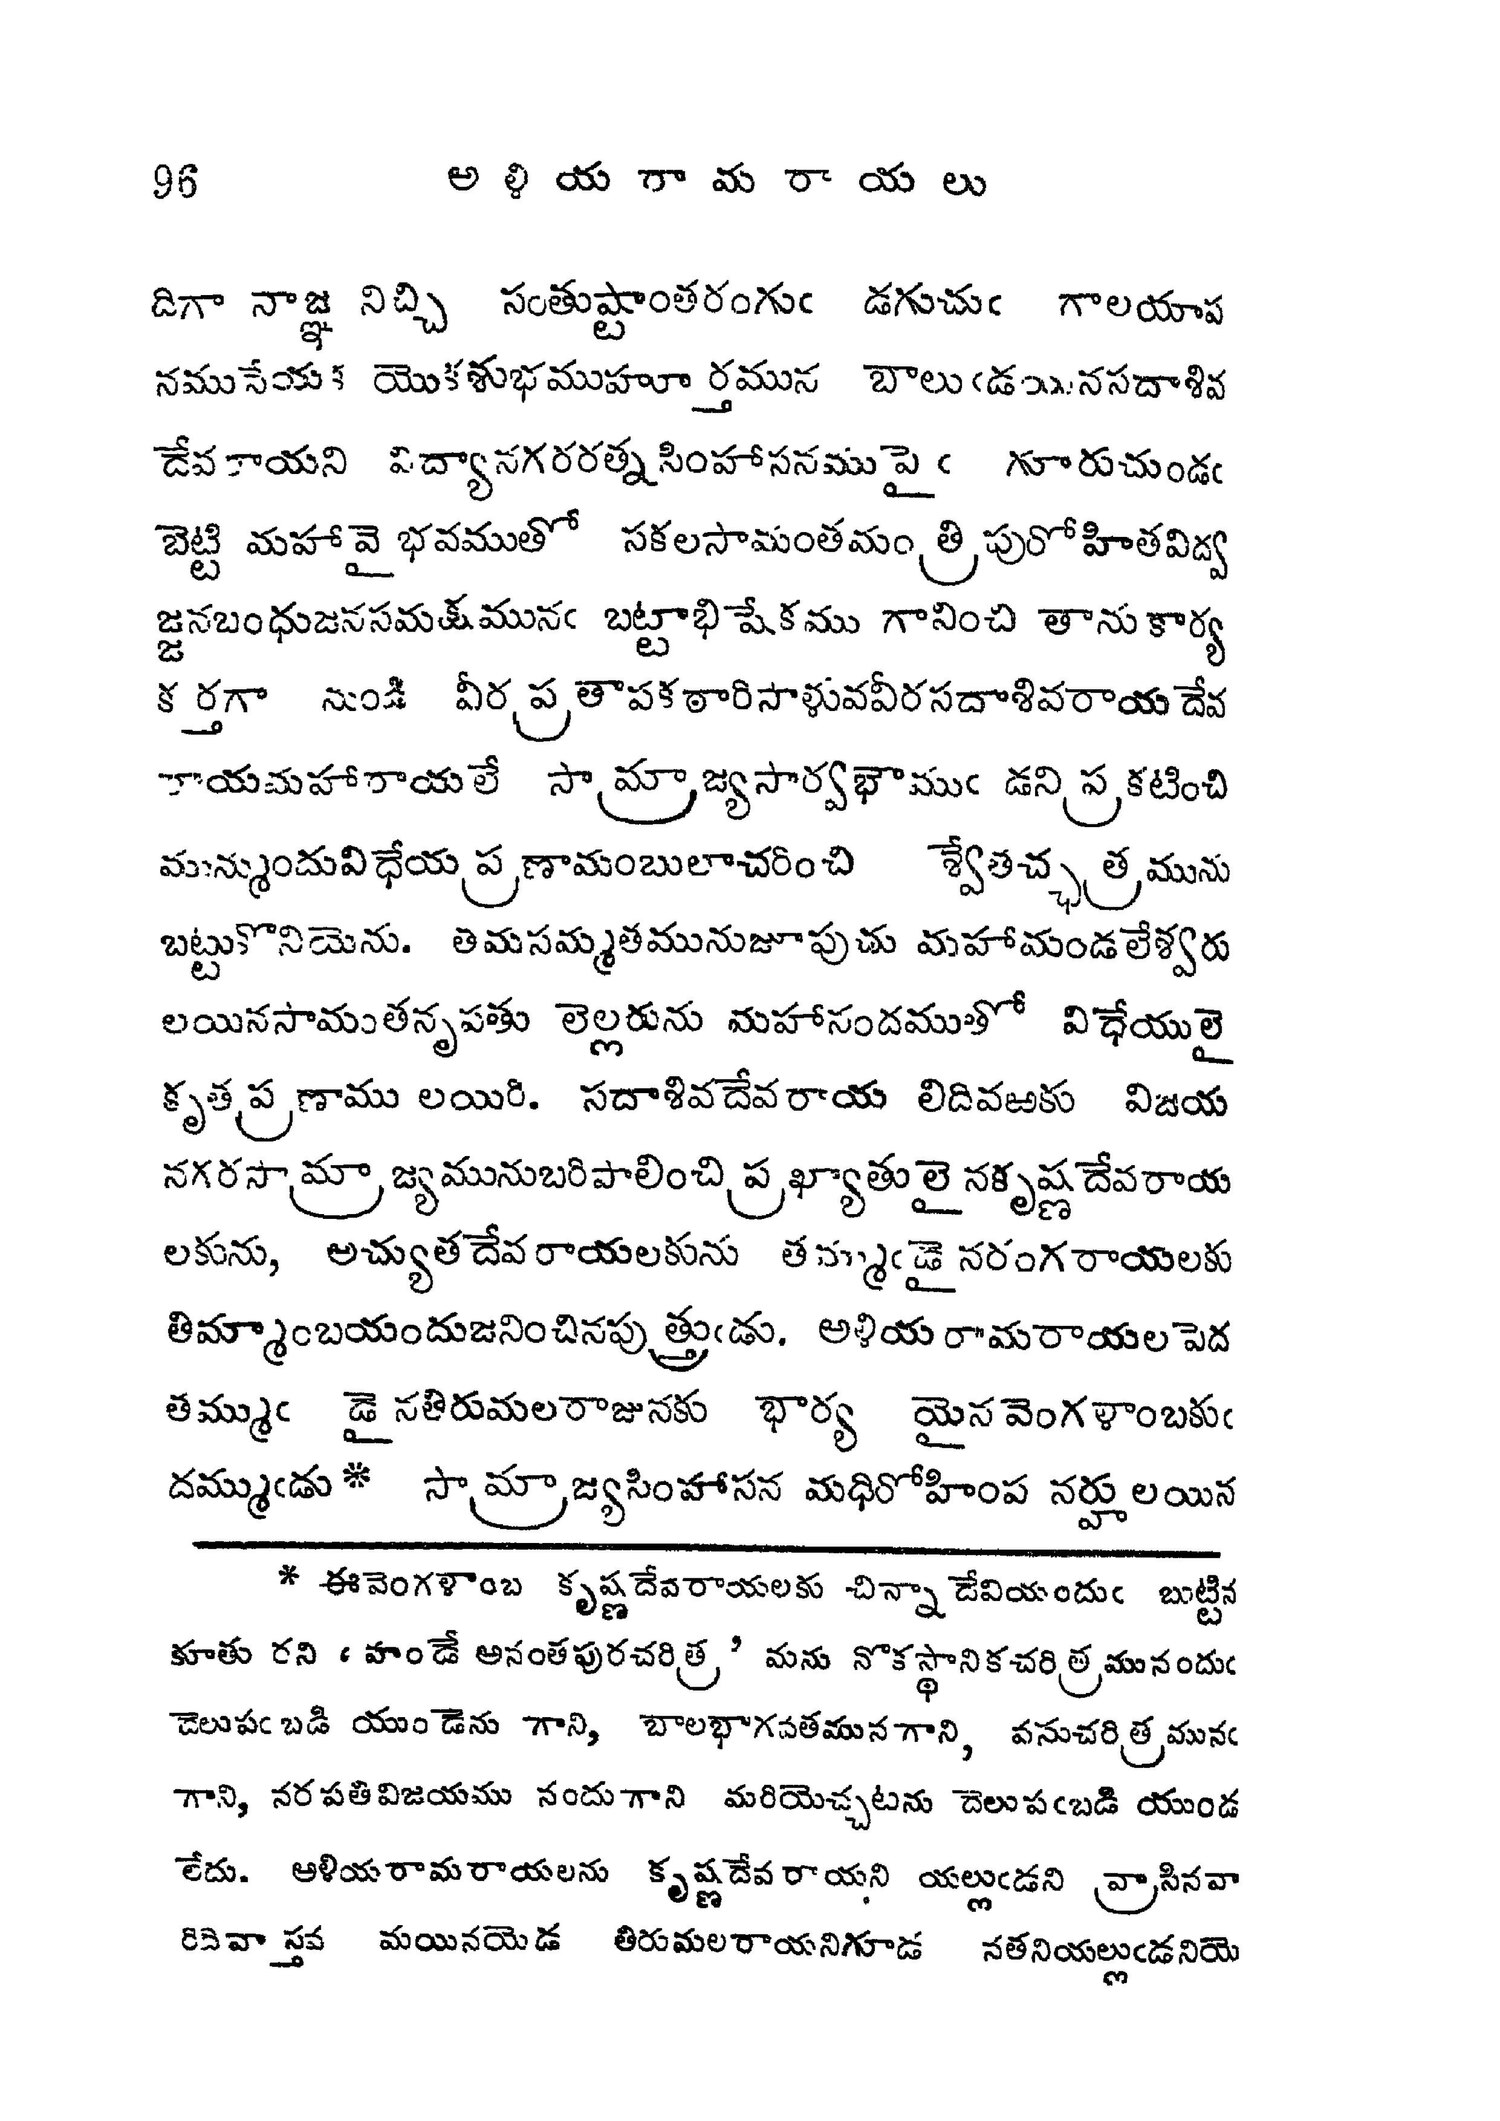దిగా నాజ్ఞ నిచ్చి సంతుష్టాంతరంగు డగుచు గాలయాపనముసేయక యొకశుభముహూర్తమున బాలుడయినసదాశివదేవరాయని విద్యానగరరత్నసింహాసనముపై గూరుచుండ బెట్టి మహావైభవముతో సకలసామంతమంత్రి పురోహితవిద్వజ్జనబంధుజన సమక్షమున బట్టాభిషేకము గావించి తానుకార్యకర్తగా నుండి వీరప్రతాపకఠారి సాళువవీరసదాశివరాయదేవరాయ మహారాయలే సామ్రాజ్యసార్వభౌము డనిప్రకటించి మున్ముందువిధేయ ప్రణామంబులాచరించి శ్వేతచ్ఛత్రమును బట్టుకొనియెను. తమసమ్మతమునుజూపుచు మహామండలేశ్వరులయిన సామంతనృపతు లెల్లరును మహానందముతో విధేయులై కృతప్రణాము లయిరి. సదాశివదేవరాయ లిదివఱకు విజయనగరసామ్రాజ్యమును బరిపాలించి ప్రఖ్యాతులైన కృష్ణదేవరాయలకును, అచ్యుతదేవరాయలకును తమ్ముడైనరంగరాయలకు తిమ్మాంబయందుజనించినపుత్త్రుడు. అళియరామరాయల పెదతమ్ము డైనతిరుమలరాజునకు భార్య యైనవెంగళాంబకు దమ్ముడు సామ్రాజ్యసింహాసన మధిరోహింప నర్హులయిన